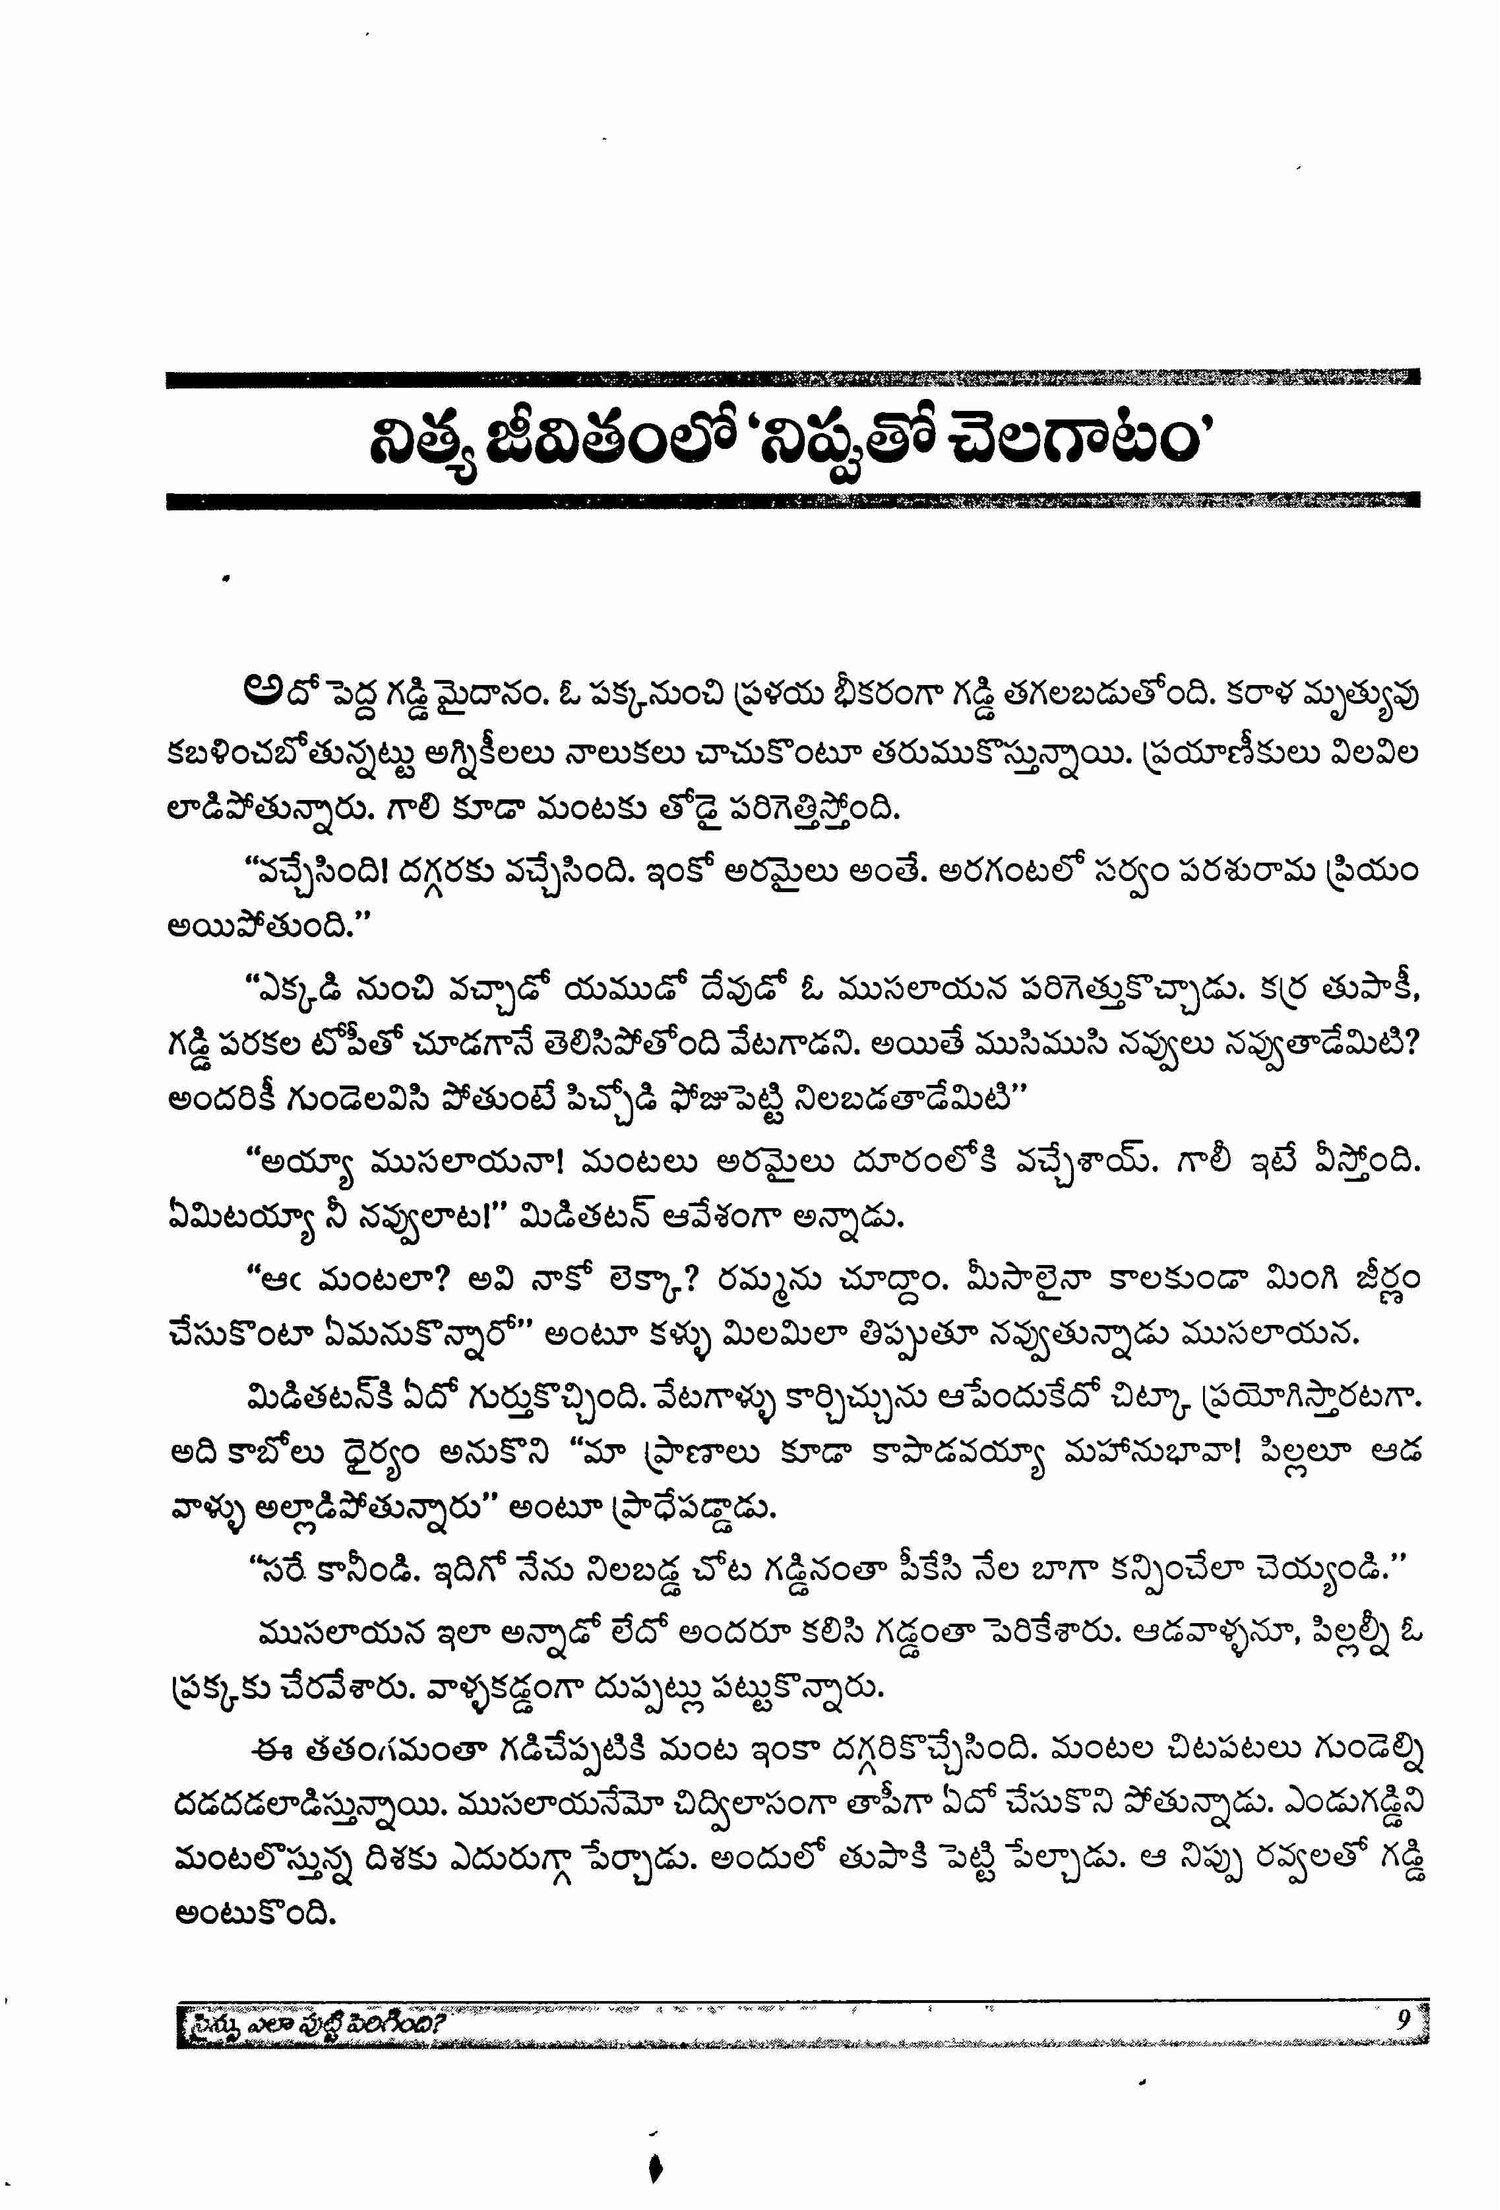నిత్య జీవితంలో 'నిప్పుతో చెలగాటం'

అదో పెద్ద గడ్డి మైదానం. ఓ పక్కనుంచి ప్రళయ భీకరంగా గడ్డి తగలబడుతోంది. కరాళ మృత్యువు కబళించబోతున్నట్టు అగ్నికీలలు నాలుకలు చాచుకొంటూ తరుముకొస్తున్నాయి. ప్రయాణీకులు విలవిల లాడిపోతున్నారు. గాలి కూడా మంటకు తోడై పరిగెత్తిస్తోంది.

“వచ్చేసింది! దగ్గరకు వచ్చేసింది. ఇంకో అరమైలు అంతే. అరగంటలో సర్వం పరశురామ ప్రియం అయిపోతుంది.”

“ఎక్కడి నుంచి వచ్చాడో యముడో దేవుడో ఓ ముసలాయన పరిగెత్తుకొచ్చాడు. కర్ర తుపాకీ, గడ్డి పరకల టోపీతో చూడగానే తెలిసిపోతోంది వేటగాడని. అయితే ముసిముసి నవ్వులు నవ్వుతాడేమిటి? అందరికీ గుండెలవిసి పోతుంటే పిచ్చోడి ఫోజుపెట్టి నిలబడతాడేమిటి”

“అయ్యా ముసలాయనా! మంటలు అరమైలు దూరంలోకి వచ్చేశాయ్. గాలీ ఇటే వీస్తోంది. ఏమిటయ్యా నీ నవ్వులాట!" మిడితటన్ ఆవేశంగా అన్నాడు.

“ఆఁ మంటలా? అవి నాకో లెక్కా? రమ్మను చూద్దాం. మీసాలైనా కాలకుండా మింగి జీర్ణం చేసుకొంటా ఏమనుకొన్నారో" అంటూ కళ్ళు మిలమిలా తిప్పుతూ నవ్వుతున్నాడు ముసలాయన.

మిడితటన్‌కి ఏదో గుర్తుకొచ్చింది. వేటగాళ్ళు కార్చిచ్చును ఆపేందుకేదో చిట్కా ప్రయోగిస్తారటగా. అది కాబోలు ధైర్యం అనుకొని “మా ప్రాణాలు కూడా కాపాడవయ్యా మహానుభావా! పిల్లలూ ఆడవాళ్ళు అల్లాడిపోతున్నారు" అంటూ ప్రాధేపడ్డాడు.

“సరే కానీండి. ఇదిగో నేను నిలబడ్డ చోట గడ్డినంతా పీకేసి నేల బాగా కన్పించేలా చెయ్యండి.”

ముసలాయన ఇలా అన్నాడో లేదో అందరూ కలిసి గడ్డంతా పెరికేశారు. ఆడవాళ్ళనూ, పిల్లల్నీ ఓ ప్రక్కకు చేరవేశారు. వాళ్ళకడ్డంగా దుప్పట్లు పట్టుకొన్నారు.

ఈ తతంగమంతా గడిచేప్పటికి మంట ఇంకా దగ్గరికొచ్చేసింది. మంటల చిటపటలు గుండెల్ని దడదడలాడిస్తున్నాయి. ముసలాయనేమో చిద్విలాసంగా తాపీగా ఏదో చేసుకొని పోతున్నాడు. ఎండుగడ్డిని
మంటలొస్తున్న దిశకు ఎదురుగ్గా పేర్చాడు. అందులో తుపాకి పెట్టి పేల్చాడు. ఆ నిప్పు రవ్వలతో గడ్డి అంటుకొంది.